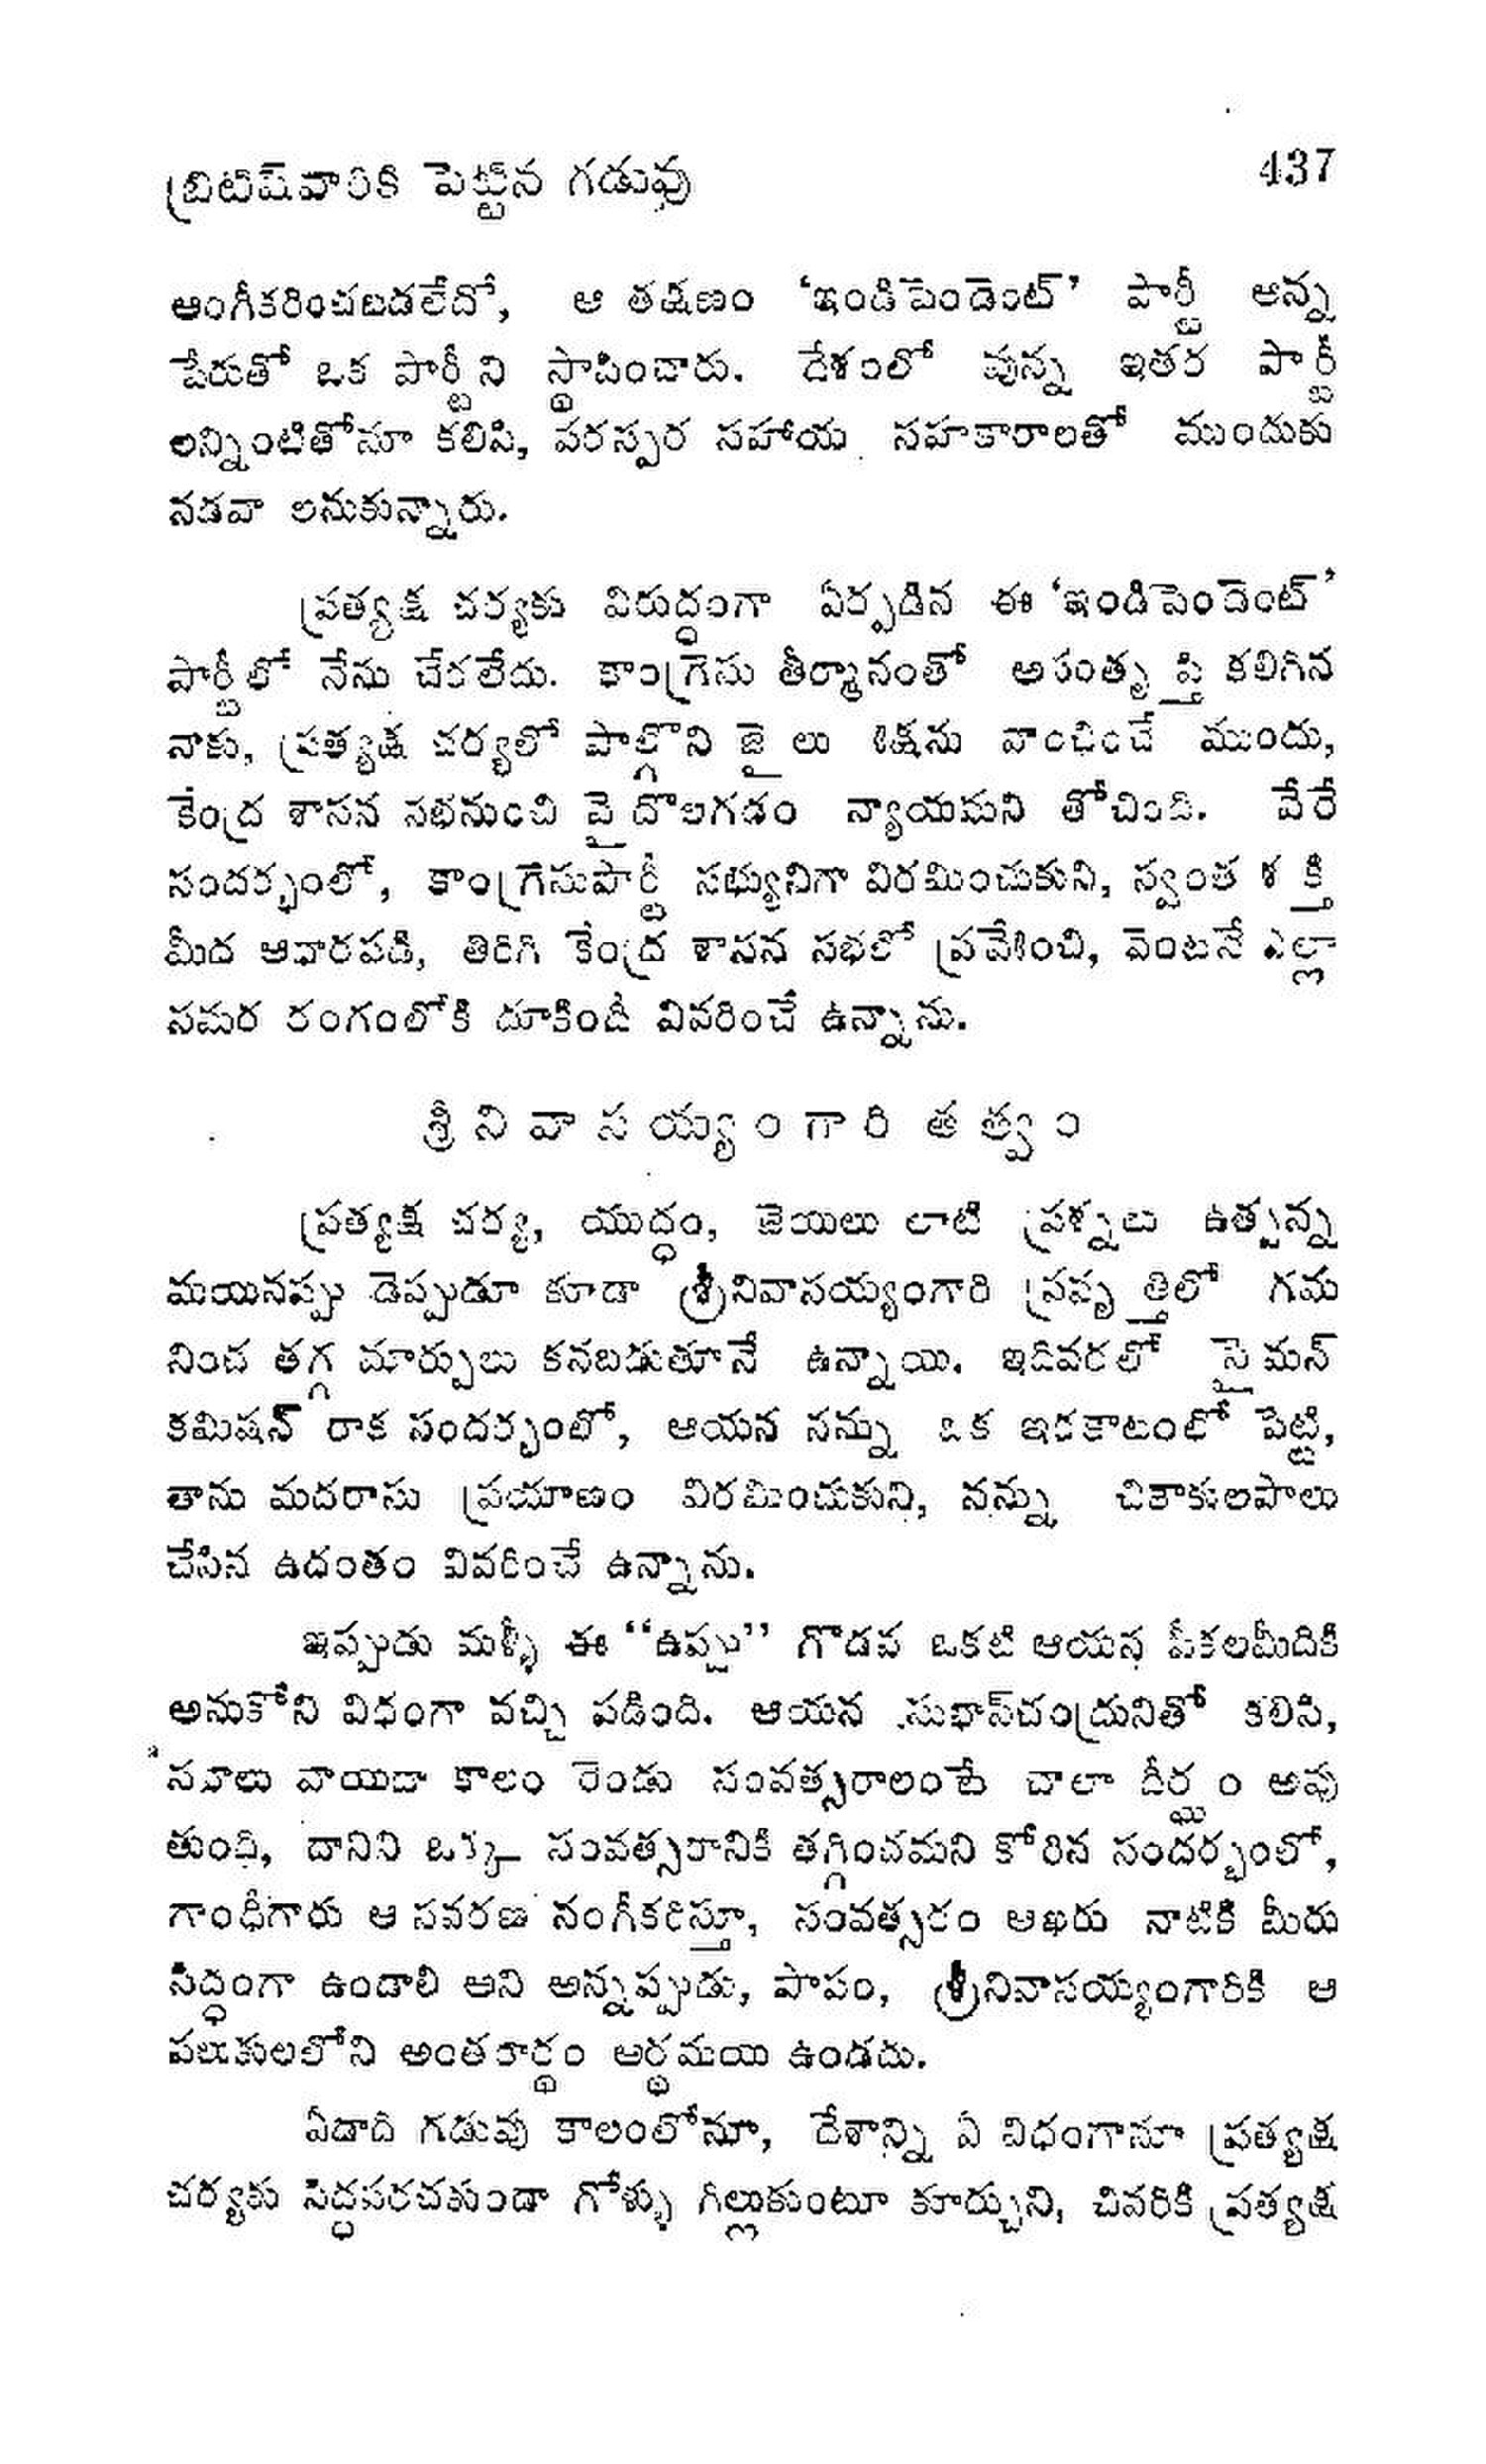అంగీకరించబడలేదో, ఆ తక్షణం 'ఇండిపెండెంట్‌' పార్టీ అన్న పేరుతో ఒక పార్టీని స్థాపించారు. దేశంలో వున్న ఇతర పార్టీ లన్నింటితోనూ కలిసి, పరస్పర సహాయ సహకారాలతో ముందుకు నడవా లనుకున్నారు.

ప్రత్యక్ష చర్యకు విరుద్ధంగా ఏర్పడిన ఈ 'ఇండిపెండెంట్‌' పార్టీలో నేను చేరలేదు. కాంగ్రెసు తీర్మానంతో అసంతృప్తి కలిగిన నాకు, ప్రత్యక్ష చర్యలో పాల్గొని జైలు శిక్షను వాంఛించే ముందు, కేంద్ర శాసన సభనుంచి వైదొలగడం న్యాయమని తోచింది. వేరే సందర్భంలో, కాంగ్రెసుపార్టీ సభ్యునిగా విరమించుకుని, స్వంత శక్తిమీద ఆధారపడి, తిరిగి కేంద్ర శాసన సభలో ప్రవేశించి, వెంటనే ఎల్లా సమర రంగంలోకి దూకిందీ వివరించే ఉన్నాను.

ప్రత్యక్ష చర్య, యుద్ధం, జెయిలు లాటి ప్రశ్నలు ఉత్పన్నమయినప్పు డెప్పుడూ కూడా శ్రీనివాసయ్యంగారి ప్రవృత్తిలో గమనించ తగ్గ మార్పులు కనబడుతూనే ఉన్నాయి. ఇదివరలో సైమన్ కమిషన్ రాక సందర్భంలో, ఆయన నన్ను ఒక ఇరకాటంలో పెట్టి, తాను మదరాసు ప్రయాణం విరమించుకుని, నన్ను చికాకులపాలు చేసిన ఉదంతం వివరించే ఉన్నాను.

ఇప్పుడు మళ్ళీ ఈ "ఉప్పు" గొడవ ఒకటి ఆయన పీకలమీదికి అనుకోని విధంగా వచ్చి పడింది. ఆయన సుభాస్‌చంద్రునితో కలిసి, సవాలు వాయిదా కాలం రెండు సంవత్సరాలంటే చాలా దీర్ఘం అవుతుంది, దానిని ఒక్క సంవత్సరానికి తగ్గించమని కోరిన సందర్భంలో, గాంధీగారు ఆ సవరణ నంగీకరిస్తూ, సంవత్సరం ఆఖరు నాటికి మీరు సిద్ధంగా ఉండాలి అని అన్నప్పుడు, పాపం, శ్రీనివాసయ్యంగారికి ఆ పలుకులలోని అంతరార్థం అర్థమయి ఉండదు.

ఏడాది గడువు కాలంలోనూ, దేశాన్ని ఏ విధంగానూ ప్రత్యక్ష చర్యకు సిద్ధపరచకుండా గోళ్ళు గిల్లుకుంటూ కూర్చుని, చివరికి ప్రత్యక్ష